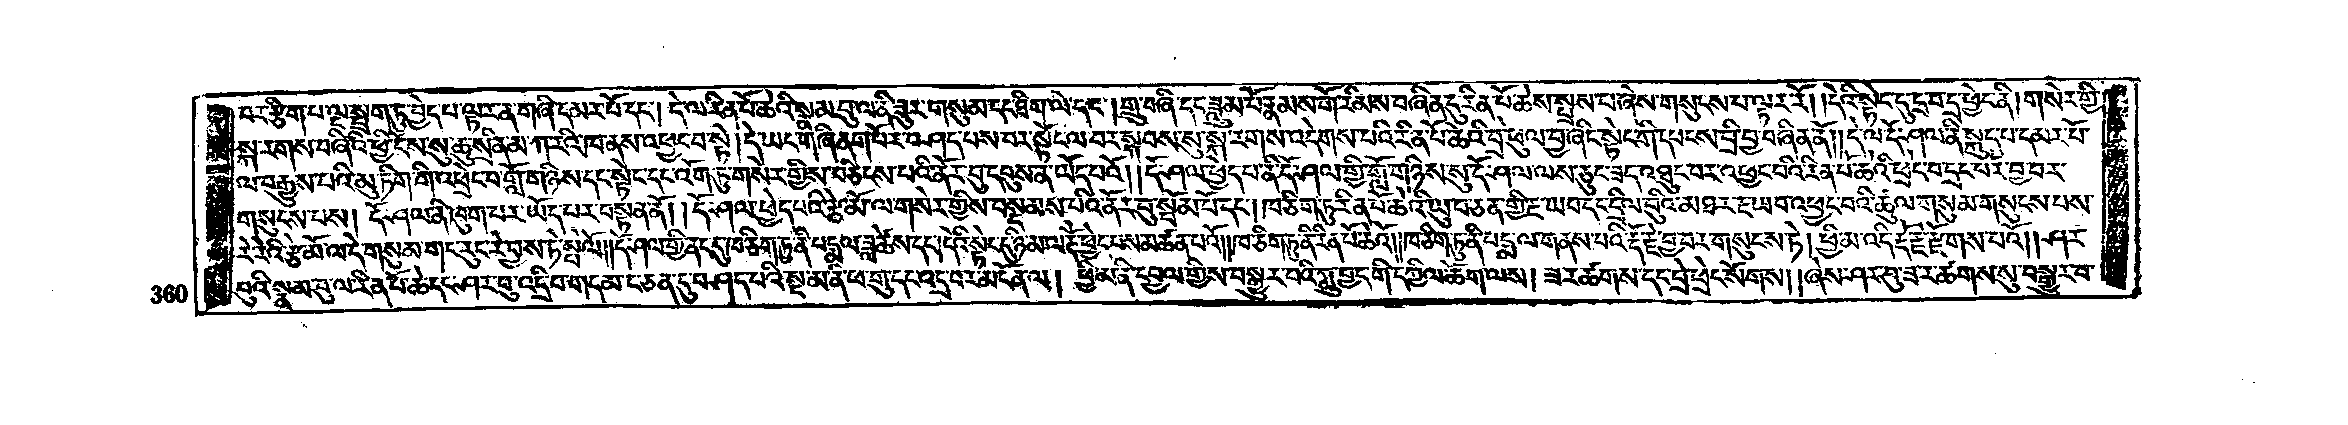བར་རྩིག་པ་ལྔ་སྤྲག་ཏུ་བྱེད་པ་ལྟར་ན་གཞི་དམར་པོ་དང་། དེ་ལ་རིན་པོ་ཆེའི་སྣམ་བུ་ལ་ནི་ཟུར་གསུམ་དང་ཐིག་ལེ་དང་། གྲུ་བཞི་དང་ཟླུམ་པོ་རྣམས་གོ་རིམས་བཞིན་དུ་རིན་པོ་ཆེས་སྤྲས་པ་ཞེས་གསུངས་པ་ལྟར་རོ། །དེའི་སྟེང་དུ་དྲ་བ་དྲ་ཕྱེད་ནི། གསེར་གྱི་
སྐ་རགས་བཞིའི་ཕྱི་ངོས་སུ་ཆུ་སྲིན་མ་ཀ་རའི་ཁ་ནས་འཕྱང་བ་སྟེ། དེ་ཡང་གཞི་ནག་པོར་བཤད་པས་བར་སྟོང་ལ་བར་སྐབས་སུ་སྐ་རགས་འདེགས་པའི་རིན་པོ་ཆེའི་བྲེ་ཕུལ་བྱ་ཞིང་སྟེང་གི་དཔངས་བྲི་བྱ་བཞིན་ནོ། །དེ་ལ་དོ་ཤལ་ནི་སྐུད་པ་དམར་པོ་
ལ་བརྒྱུས་པའི་མུ་ཏིག་གི་འཕྲེང་བ་གློ་གཉིས་དང་སྟེང་དང་འོག་ཏུ་གསེར་གྱིས་བཅིངས་པའི་ནོར་བུ་དབུས་ན་ཡོད་པའོ། །དོ་ཤལ་ཕྱེད་པ་ནི་དོ་ཤལ་གྱི་གློ་གཉིས་སུ་དོ་ཤལ་ལས་ཅུང་ཟད་འཐུང་བར་འཕྱང་བའི་རིན་པོ་ཆེའི་ཕྲེང་བ་དྲང་པོར་བྱ་བར་
གསུངས་པས། དོ་ཤལ་ནི་ཁུག་པར་ཡོད་པར་བསྟན་ནོ། །དོ་ཤལ་ཕྱེད་པའི་རྩེ་མོ་ལ་གསེར་གྱིས་བསྡམས་པའི་ནོར་བུ་སྦོམ་པོ་དང་། ཁ་ཅིག་ཏུ་རིན་པོ་ཆེའི་ཡུ་བ་ཅན་གྱི་རྔ་ཡབ་དང་དྲིལ་བུའི་མཐར་རྔ་ཡབ་འཕྱང་བའི་ཚུལ་གསུམ་གསུངས་པས་
རེ་རེའི་རྩེ་མོ་ལ་དེ་གསུམ་གང་རུང་རེ་བྱས་ཏེ་སྤེལ་ལོ། །དོ་ཤལ་གྱི་ནང་དུ་ཁ་ཅིག་ཏུ་ནི་པདམ་ལ་ཟླ་ཚེས་དང་། དེའི་སྟེང་དུ་ཉི་མ་ལ་རྡོ་ཕྱེད་པས་མཚན་པའོ། །ཁ་ཅིག་ཏུ་ནི་རིན་པོ་ཆེའོ། །ཁ་ཅིག་ཏུ་ནི་པདམ་ལ་གནས་པའི་རྡོ་རྗེ་བྱ་བར་གསུངས་ཏེ། ཕྱི་མ་འདི་རྡོ་རྗེ་རྫོགས་པའོ། །ཤར་
བུའི་སྣམ་བུ་ལ་རིན་པོ་ཆེ་དང་ཤར་བུ་འདྲི་བ་གདམ་ང་ཅན་དུ་བཤད་པའི་སྔ་མ་ནི་ཕ་གུ་དང་འདྲ་བར་མངོན་ལ། ཕྱི་མ་ནི་དབྱལ་གྱིས་བསྒྱུར་བའི་ཀླུ་བྱང་གི་དཀྱིལ་ཆོག་ལས། ཟར་ཚགས་དང་བྲེ་ཕྲེང་སོགས། །ཞེས་ཤར་བུ་ཟ་ར་ཚགས་སུ་བསྒྱུར་བ་